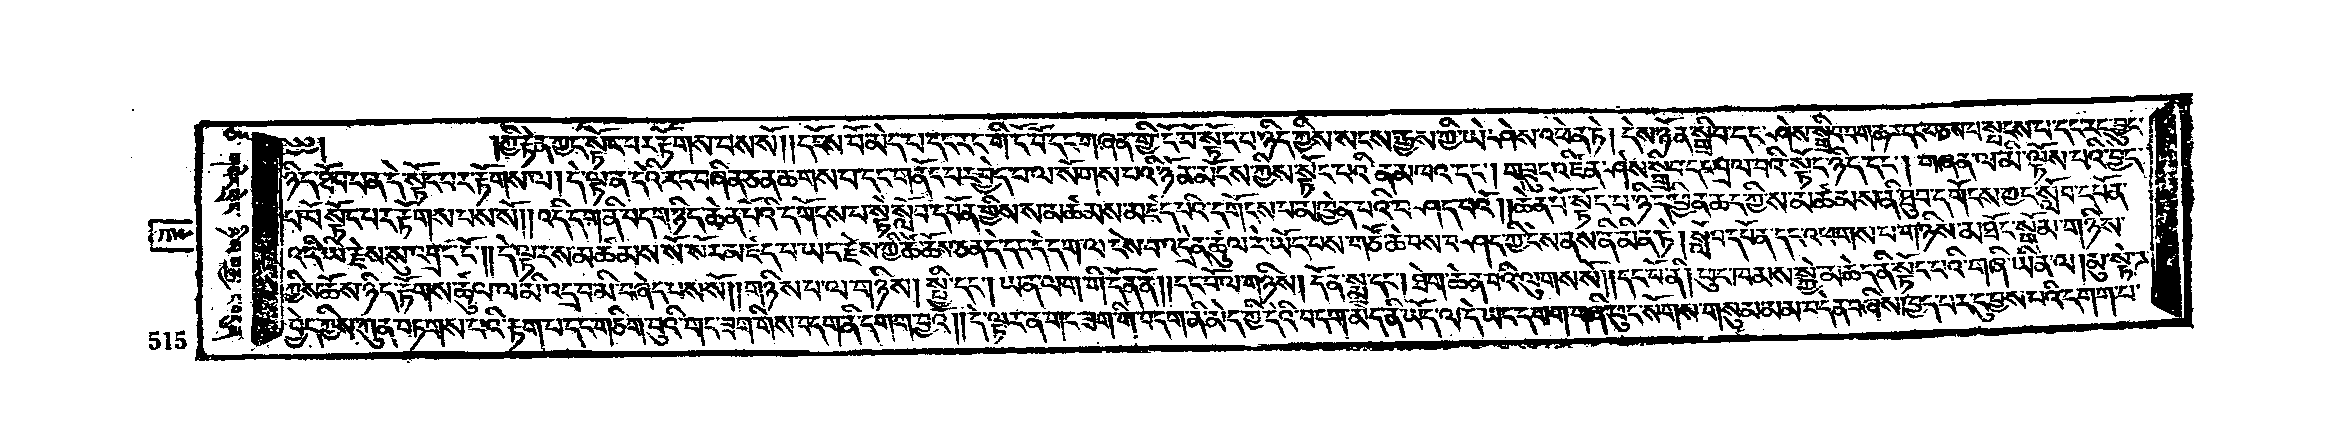༄༅། །ཀྱི་རྟེན་ཀྱང་སྟོང་པར་རྟོགས་པས་སོ། །དངོས་པོ་མེད་པ་དང་རང་གི་ངོ་བོ་དང་གཞན་གྱི་ངོ་བོ་སྟོང་པ་ཉིད་ཀྱིས་སངས་རྒྱས་ཀྱི་ཡེ་ཤེས་འཕེན་ཏེ། དེས་ཉོན་སྒྲིབ་དང་ཤེས་སྒྲིབ་བག་ཆགས་དང་བཅས་པ་སྤངས་པ་དང་རང་བྱུང་
ཉིད་ཐོབ་པ་ན་དེ་སྟོང་པར་རྟོགས་ལ། དེ་ལྟ་ན་དེའི་རང་བཞིན་ཅན་ཆགས་པ་དང་གནོད་པར་བྱེད་པ་ལ་སོགས་པའི་ཉོན་མོངས་ཀྱིས་སྟོང་པའི་ནམ་མཁའ་དང་། གཟུང་འཛིན་ཤེས་སྒྲིབ་དང་བྲལ་བའི་སྟོང་ཉིད་དང་། གཞན་ལ་མི་ལྟོས་པའི་བྱེད་
པ་པོ་སྟོང་པར་རྟོགས་པས་སོ། །འདི་དག་ནི་བདག་ཉིད་ཆེན་པོའི་དགོངས་པ་སྟེ་སློབ་དཔོན་གྱིས་ས་མཚམས་མཛད་པའི་དགོངས་པ་མཁྱེན་པའི་བཤད་པའོ། །ཆེན་པོ་སྟོང་པ་ཉིད་ཕྱིན་ཆད་ཀྱི་ས་མཚམས་ནི་ཐུབ་དགོངས་ཀྱང་སློབ་དཔོན་
འདི་ཡི་རྗེས་སུ་འབྲང་ངོ། །དེ་ལྟར་ས་མཚམས་སོ་སོར་མཛད་པ་ཡང་རྗེས་ཀྱི་ཚེ་ཆོས་ཅན་དེ་དང་དེ་དག་ལ་ངེས་པ་འདྲེན་ཚུལ་རེ་ཡོད་པས་གཙོ་ཆེ་བས་བཤད་ཀྱི་ངེས་ནས་ནི་མིན་ཏེ། སློབ་དཔོན་དང་འཕགས་པ་གཉིས་མཐོང་སྒོམ་གཉིས་
ཀྱིས་ཆོས་ཉིད་རྟོགས་ཚུལ་ལ་མི་འདྲ་བ་མི་བཞེད་པས་སོ། །གཉིས་པ་ལ་གཉིས། སྤྱི་དང་། ཡན་ལག་གི་དོན་ནོ། །དང་པོ་ལ་གཉིས། དོན་སྨྲ་དང་། ཐེག་ཆེན་པའི་ལུགས་སོ། །དང་པོ་ནི། ཕུང་ཁམས་སྐྱེ་མཆེད་ནི་སྟོང་པའི་གཞི་ཡིན་ལ། མུ་སྟེགས་
བྱེད་ཀྱིས་ཀུན་བཏགས་པའི་རྟག་པ་དང་གཅིག་བུའི་གང་ཟག་གིས་བདག་ནི་དགག་བྱའོ། །དེ་ལྟར་ན་གང་ཟག་གི་བདག་ནི་མེད་ཀྱི་དེའི་བདག་མེད་ནི་ཡོད་ལ་དེ་ཡང་དགག་གཞི་ཕུང་སོགས་གསུམ་མམ་བདེན་བཞིས་ཁྱད་པར་དུ་བྱས་པའི་དགག་པ་